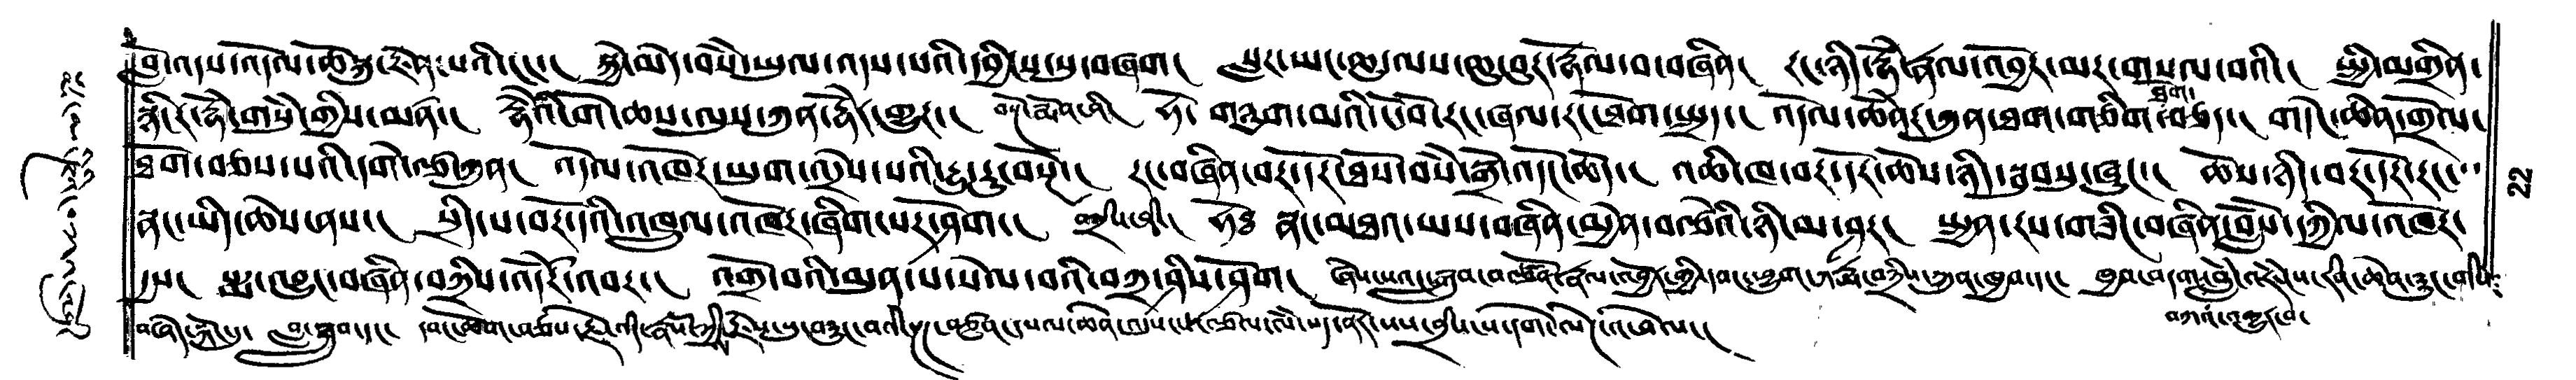།བློ་འདས་འོད་གསལ་ཆོས་སྐུ་རྗེན་པའི་ངང་། །སྐྱེ་མེད་བསམ་ཡུལ་འདས་པའི་དབྱིངས་སུ་བཞག །སླར་ཡང་ཆུ་ལས་ཆུ་བུར་རྡོལ་བ་བཞིན། །རང་ཉིད་རྡོ་རྗེ་རྣལ་འབྱོར་མར་གསལ་བའི། །སྤྱི་མགྲིན་
སྙིང་གོར་རྡོ་རྗེ་གསུམ་གྱིས་མཚན། །རྡོ་རྗེའི་གོ་ཆས་ལུས་ཀུན་རྡོ་རྗེར་གྱུར། བསྔོ་སྨོན་ནི། ཧོ། གཉུག་མའི་ངོ་བོ་རང་ཞལ་རང་ཐོག་སྤྲད། །འོད་གསལ་ཆེན་པོར་ཀུན་ཐག་གཅིག་ཐོག་བཅད། །གདེང་ཆེན་གྲོལ་
ཐོག་བཅས་པའི་དགེ་རྩ་ཀུན། །འོད་གསལ་འཁོར་ཡུག་འདྲེས་པའི་རྒྱུ་རུ་བསྔོ། །རང་བཞིན་བར་དོར་ཐོས་བསམ་སྒྲོ་འདོགས་ཆོད། །འཆི་ཁ་བར་དོར་ཆོས་ཉིད་སྦུབས་སུ་ཞུགས། །ཆོས་ཉིད་བར་དོར་རང་
སྣང་ཡིད་ཆེས་ནས། །སྲིད་པ་བར་དོའི་འཁྲུལ་འཁོར་ཞིག་པར་ཤོག །བཀྲ་ཤིས་ནི། ཧོ། སྣང་མཐའ་ཡས་བཞིན་མཁྱེན་བརྩེའི་ཉི་མ་ཤར། །སྤྱན་རས་གཟིགས་བཞིན་བློ་གྲོས་དཀྱིལ་འཁོར་
རྒྱས། །པདྨ་འབྱུང་བཞིན་བཀྲ་ཤིས་འོད་ཟེར་འབར། །འགྲོ་བའི་མུན་པ་སེལ་བའི་བཀྲ་ཤིས་ཤོག །ཞེས་པའང་སྒྲུབ་བརྩོན་རྣལ་འབྱོར་གྱི་དབང་ཕྱུག་ཀརྨ་བཀྲ་ཤིས་ཀུན་ཁྱབ་དང་། ཁྱབ་བདག་བཀའ་འགྱུར་བ་བླ་མ་འཇམ་དབྱངས་རིན་ཆེན་ཟུང་གིས་
བཞེད་སྐོང་དུ། བླ་སྒྲུབ་དང་དབང་ཆོག་བཅས་རྗེ་འདི་རྣམས་ཀྱིས་རྗེས་སུ་བཟུང་བའི་སྔགས་བཙུན་དཔལ་ཆེན་འདུས་པ་རྩལ་ལམ་པད་ནོར་པས་བྲིས་པ་དགེ་ལེགས་འཕེལ།། བཀྲ་ཤིས།།